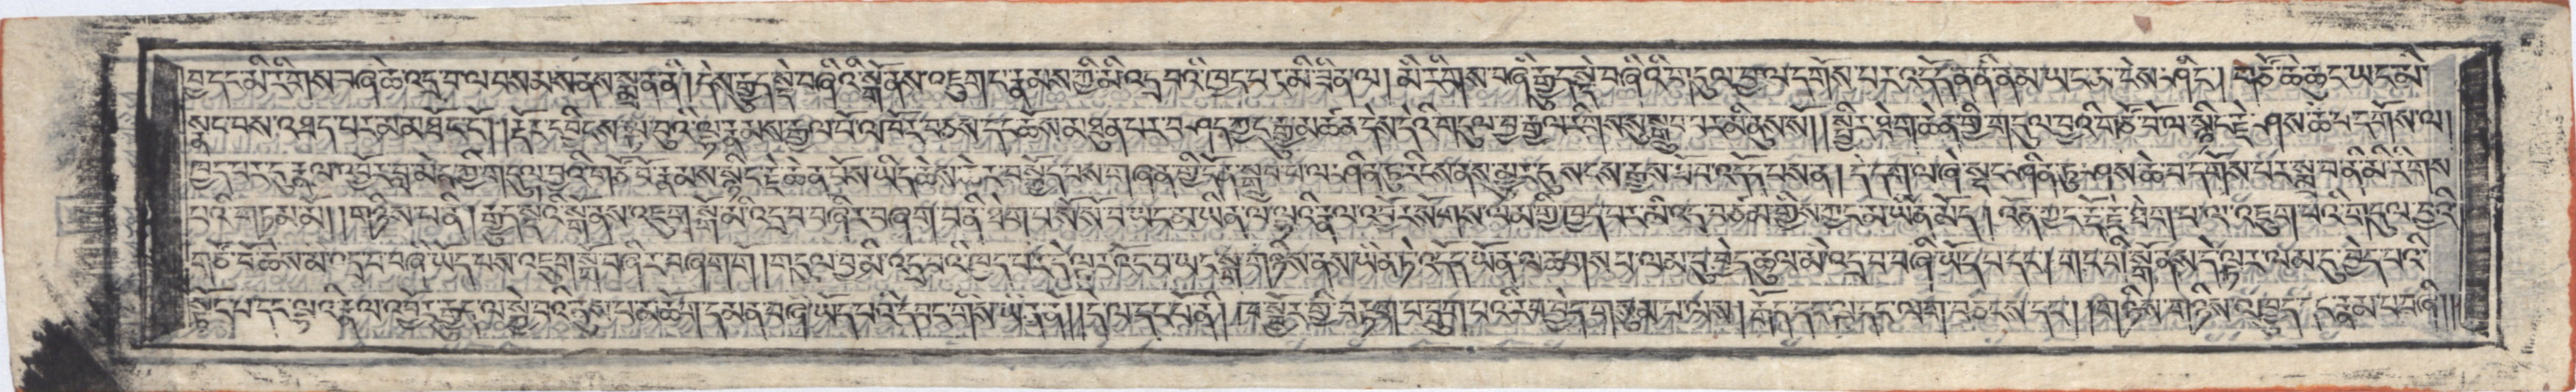བྱ་དང་མི་རིགས་བཞི་ཆ་འདྲ་བ་ལ་བསམས་ནས་སྨྲན་ནི། དེས་རྒྱུད་སྡེ་བཞིའི་སྒོ་ནས་འཇུག་པ་རྣམས་ཀྱི་མི་འདྲ་བའི་ཁྱད་པར་མི་ཟིན་ལ། མི་རིགས་བཞི་རྒྱུད་སྡེ་བཞིའི་གདུལ་བྱ་ལ་དགོས་པར་འདོད་ན་ནི་ནམ་ཡང་མ་ངེས་ཤིང་། གཙོ་ཆེ་ཆུང་ཡང་མི་
སྣང་བས་འཐད་པར་མ་མཐོང་ངོ། །རྡོར་དབྱིངས་ལྟ་བུའི་ལྷ་རྣམས་རྒྱལ་པོ་འཁོར་བཅས་དང་ཆོས་མཐུན་པར་བཤད་ཀྱང་རྒྱུ་མཚན་དེས་དེའི་གདུལ་བྱ་རྒྱལ་རིགས་སུ་སྒྲུབ་པར་མི་ནུས་སོ། །སྤྱིར་ཐེག་ཆེན་གྱི་གདུལ་བྱའི་གཙོ་བོ་ལ་སྙིང་རྗེ་ཤས་ཆེ་བ་དགོས་ལ།
ཁྱད་པར་དུ་རྣལ་འབྱོར་བླ་མེད་ཀྱི་གདུལ་བྱའི་གཙོ་བོ་རྣམས་སྙིང་རྗེ་ཆེན་པོས་ཡིད་ཆེས་ཆེར་བསྐྱོད་པས་གཞན་གྱི་དོན་སྒྲུབ་པ་ལ་ཤིན་ཏུ་རིངས་ནས་མྱུར་དུ་སངས་རྒྱས་ཐོབ་འདོད་པས་ན། དེ་དག་ལ་ཞེ་སྡང་ཤིན་ཏུ་ཤས་ཆེ་བ་དགོས་པར་སྨྲ་བ་ནི་མི་རིགས་
པའི་གཏམ་མོ། །གཉིས་པ་ནི། རྒྱུད་སྡེའི་སྒོ་ནས་འཇུག་སྒོ་མི་འདྲ་བ་བཞིར་བཞག་པ་ནི་ཐེག་པ་སོ་སོ་བ་ཡང་མ་ཡིན་ལ་ལྷའི་རྣལ་འབྱོར་སོགས་ལམ་གྱི་ཁྱད་པར་མི་འདྲ་བ་ཙམ་གྱིས་ཀྱང་མ་ཡིན་མོད། འོན་ཀྱང་རྡོ་རྗེ་ཐེག་པ་ལ་འཇུག་པའི་གདུལ་བྱའི་
གཙོ་བོ་ཆེས་མི་འདྲ་བ་བཞི་ཡོད་པས་འཇུག་སྒོ་བཞིར་བཞག་གོ །གདུལ་བྱ་མི་འདྲ་བའི་ཁྱད་པར་དེ་ལྟར་འོང་བ་ཡང་སྒོ་གཉིས་ནས་ཡིན་ཏེ་འདོད་ཡོན་ལ་ཆགས་པ་ལམ་དུ་བྱེད་ཆུལ་མི་འདྲ་བ་བཞི་ཡོད་པ་དང་། གང་གི་སྒོ་ནས་དེ་ལྟར་ལམ་དུ་བྱེད་པའི་
སྟོང་པ་དང་ལྷའི་རྣལ་འབྱོར་རྒྱུད་ལ་སྐྱེ་བའི་ནུས་པ་མཆོག་དམན་བཞི་ཡོད་པའི་དབང་གིས་ཡིན་ནོ། །དེ་ལ་དང་པོ་ནི། ཁ་སྦྱོར་གྱི་བརྟག་པ་དྲུག་པའི་རབ་བྱེད་གསུམ་པ་ལས། རྒོད་དང་ལྟ་དང་ལག་བཅངས་དང་། །གཉིས་གཉིས་འཁྱུད་དང་རྣམ་པ་བཞི།།